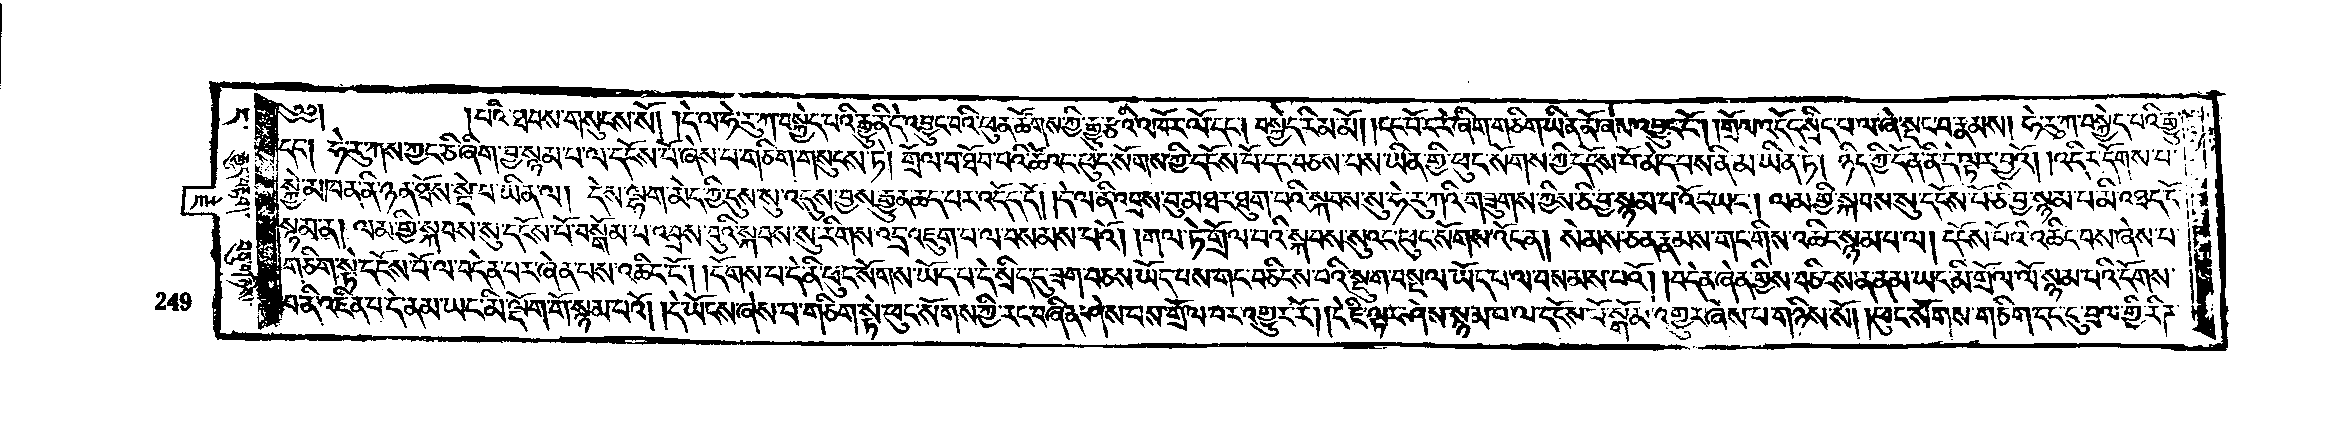༄༅། །པའི་ཐབས་གསུངས་སོ། །དེ་ལ་ཧེ་རུ་ཀ་བསྐྱེད་པའི་རྒྱུ་ནི་དེ་འབྱུང་བའི་ཕུན་ཚོགས་ཀྱི་རྒྱུ་རྩའི་འཁོར་ལོ་དང་། བསྐྱེད་རིམ་མོ། །དང་པོར་རེ་ཞིག་གཅིག་ཡིན་ནོ་ཞེས་འབྱུང་ངོ། །གྲོལ་འདོད་སྲིད་པ་ལ་ཞེ་སྡང་བ་རྣམས། ཧེ་རུ་ཀ་བསྐྱེད་པའི་རྒྱུ་
དང་། ཧེ་རུ་ཀས་ཀྱང་ཅི་ཞིག་བྱ་སྙམ་པ་ལ་དངོས་པོ་ཞེས་པ་གཅིག་གསུངས་ཏེ། གྲོལ་བ་ཐོབ་པའི་ཚེའང་ཕུང་སོགས་ཀྱི་དངོས་པོ་དང་བཅས་པས་ཡིན་གྱི་ཕུང་སོགས་ཀྱི་དངོས་པོ་མེད་པས་ནི་མ་ཡིན་ཏེ། ཉིད་ཀྱི་དོན་ནི་དེ་ལྟར་བྱའོ། །འདིར་དོགས་པ་
སྐྱེ་མཁན་ནི་ཉན་ཐོས་སྡེ་པ་ཡིན་ལ། དེས་ལྷག་མེད་ཀྱི་དུས་སུ་འདུས་བྱས་རྒྱུན་ཆད་པར་འདོད་དོ། །དེ་ལ་ནི་འབྲས་བུ་མཐར་ཐུག་པའི་སྐབས་སུ་ཧེ་རུ་ཀའི་གཟུགས་ཀྱིས་ཅི་བྱ་སྙམ་པ་འོང་ཡང་། ལམ་གྱི་སྐབས་སུ་དངོས་པོ་ཅི་བྱ་སྙམ་པ་མི་འཐད་དོ་
སྙམ་ན། ལམ་གྱི་སྐབས་སུ་དངོས་པོ་བསྒོམ་པ་འབྲས་བུའི་སྐབས་སུ་རིགས་འདྲ་འཇུག་པ་ལ་བསམས་པའོ། །གལ་ཏེ་གྲོལ་བའི་སྐབས་སུའང་ཕུང་སོགས་འོང་ན། སེམས་ཅན་རྣམས་གང་གིས་འཆིང་སྙམ་པ་ལ། དངོས་པོའི་འཆིང་བས་ཞེས་པ་
གཅིག་སྟེ་དངོས་པོ་ལ་བདེན་པར་ཞེན་པས་འཆིང་ངོ། །དོགས་པ་དེ་ནི་ཕུང་སོགས་ཡོད་པ་དེ་སྲིད་དུ་ཟག་བཅས་ཡོད་པས་གང་བཅིངས་པའི་སྡུག་བསྔལ་ཡོད་པ་ལ་བསམས་པའོ། །བདེན་ཞེན་གྱིས་བཅིངས་ན་ནམ་ཡང་མི་གྲོལ་ལོ་སྙམ་པའི་དོགས་
པ་ནི་འཛིན་པ་དེ་ནམ་ཡང་མི་ལྡོག་གོ་སྙམ་པའོ། །དེ་ཡོངས་ཞེས་པ་གཅིག་སྟེ་ཕུང་སོགས་ཀྱི་རང་བཞིན་ཤེས་པས་གྲོལ་བར་འགྱུར་རོ། །དེ་ཇི་ལྟར་ཤེས་སྙམ་པ་ལ་དངོས་པོ་སྒོམ་འགྱུར་ཞེས་པ་གཉིས་སོ། །ཕུང་སོགས་གཅིག་དང་དུ་བྲལ་གྱི་རིགས་